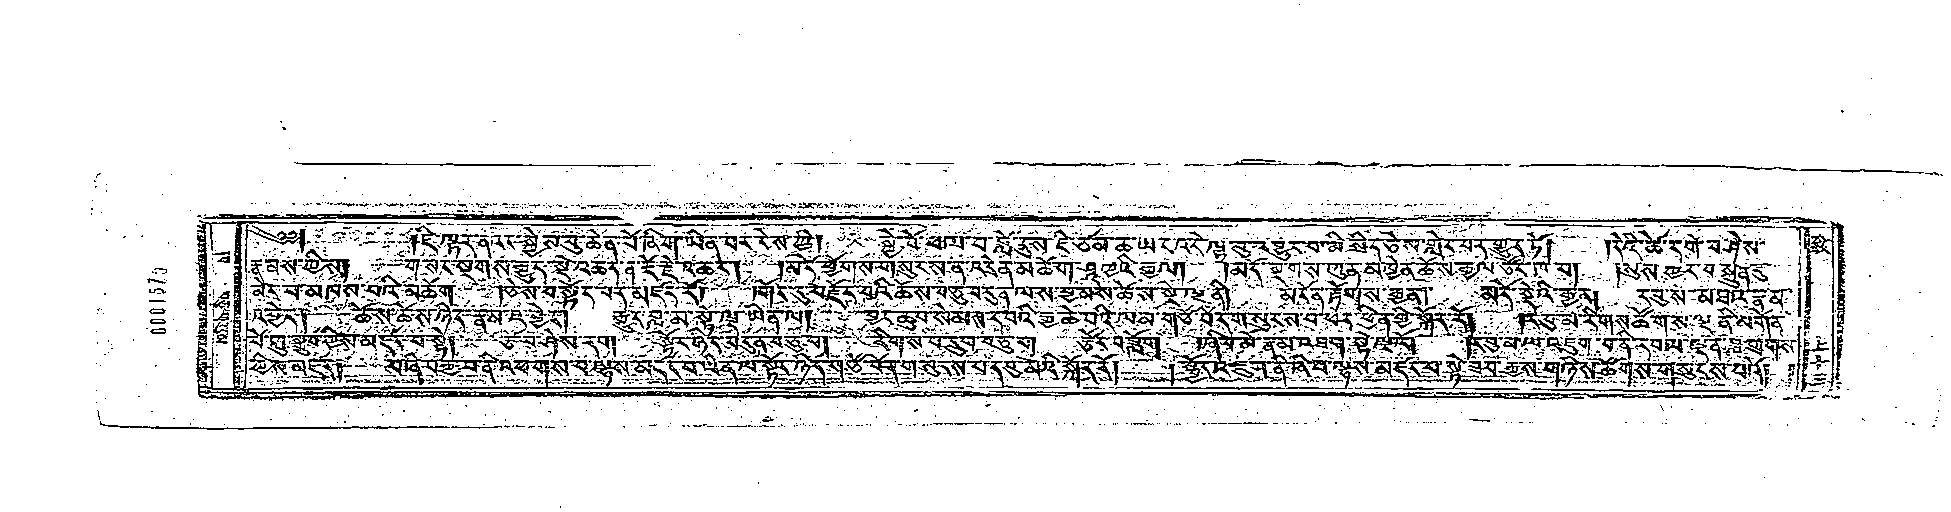༄༅། །ཇི་ལྟར་ནའང་སྐྱེས་བུ་ཆེན་པོ་ཞིག་ཡིན་བར་ངེས་ཀྱི། སྐྱེ་བོ་ཕལ་པ་བློ་ནུས་ཇི་ཙམ་ཆ་ཡང་འདི་ལྟ་བུ་འབྱུང་བ་མི་སྲིད་ཅེས་གླེང་བར་གྱུར་ཏོ། །དེའི་ཚེ་དགེ་བཤེས་
རྣམས་ཀྱིས། གསང་སྔགས་རྒྱུད་སྡེ་འཆད་ན་རྡོ་རྗེ་འཆང་། །མདོ་ཕྱོགས་གསུངས་ན་འདྲེན་མཆོག་ཤཱཀྱའི་རྒྱལ། །མདོ་སྔགས་ཀུན་མཁྱེན་ཆོས་རྒྱལ་ཙོང་ཁ་བ། །སུས་ཀྱང་བསྐྲུན་དུ་
མེད་པ་མཁས་པའི་མཆོག །ཅེས་བསྟོད་པར་མཛད་དོ། །གོང་དུ་བརྗོད་པའི་ཆོས་བཅུ་བདུན་ལས་བྱམས་ཚེས་སྡེ་ལྔ་ནི། མངོན་རྟོགས་རྒྱན། མདོ་སྡེའི་རྒྱན། དབུས་མཐའ་རྣམ་
འབྱེད། ཆོས་ཆོས་ཉིད་རྣམ་འབྱེད། རྒྱུད་བླ་མ་སྟེ་ལྔ་ཡིན་ལ། བྱང་ཆུབ་སེམས་དཔའི་རྒྱ་ཆེ་བའི་ལམ་གཙོ་བོར་གསུངས་བ་ཕར་ཕྱིན་གྱི་སྐོར་རོ། །དབུ་མ་རིགས་ཚོགས་ལྔ་ནི་མགོན་
པོ་གླུ་སྒྲུབ་ཀྱིས་མཛད་པ་སྟེ། རྩ་བ་ཤེས་རབ། སྟོང་ཉིད་བདུན་བཅུ་བ། རིགས་པ་དྲུག་བཅུ་པ། རྩོད་བཟློག །ཞི་བ་མོ་རྣམ་འཐག་སྟེ་ལྔའོ། །དབུ་མ་ལ་འཇུག་བ་ནི་དཔལ་ལྡན་ཟླ་གྲགས་
ཀྱིས་མཛད། བཞི་བརྒྱ་བ་ནི་འཕགས་བ་ལྷས་མཛད་བ་ཡིན་ལ་སྟོང་ཉིད་གཙོ་བོར་གསུངས་བ་དབུ་མེའི་སྐོར་རོ། །སྤྱོད་འཇུག་ནི་ཞི་བ་ལྟས་མཛད་བ་སྟེ་ཟབ་རྒྱས་གཉིས་ཚོགས་གསུངས་པའོ། །